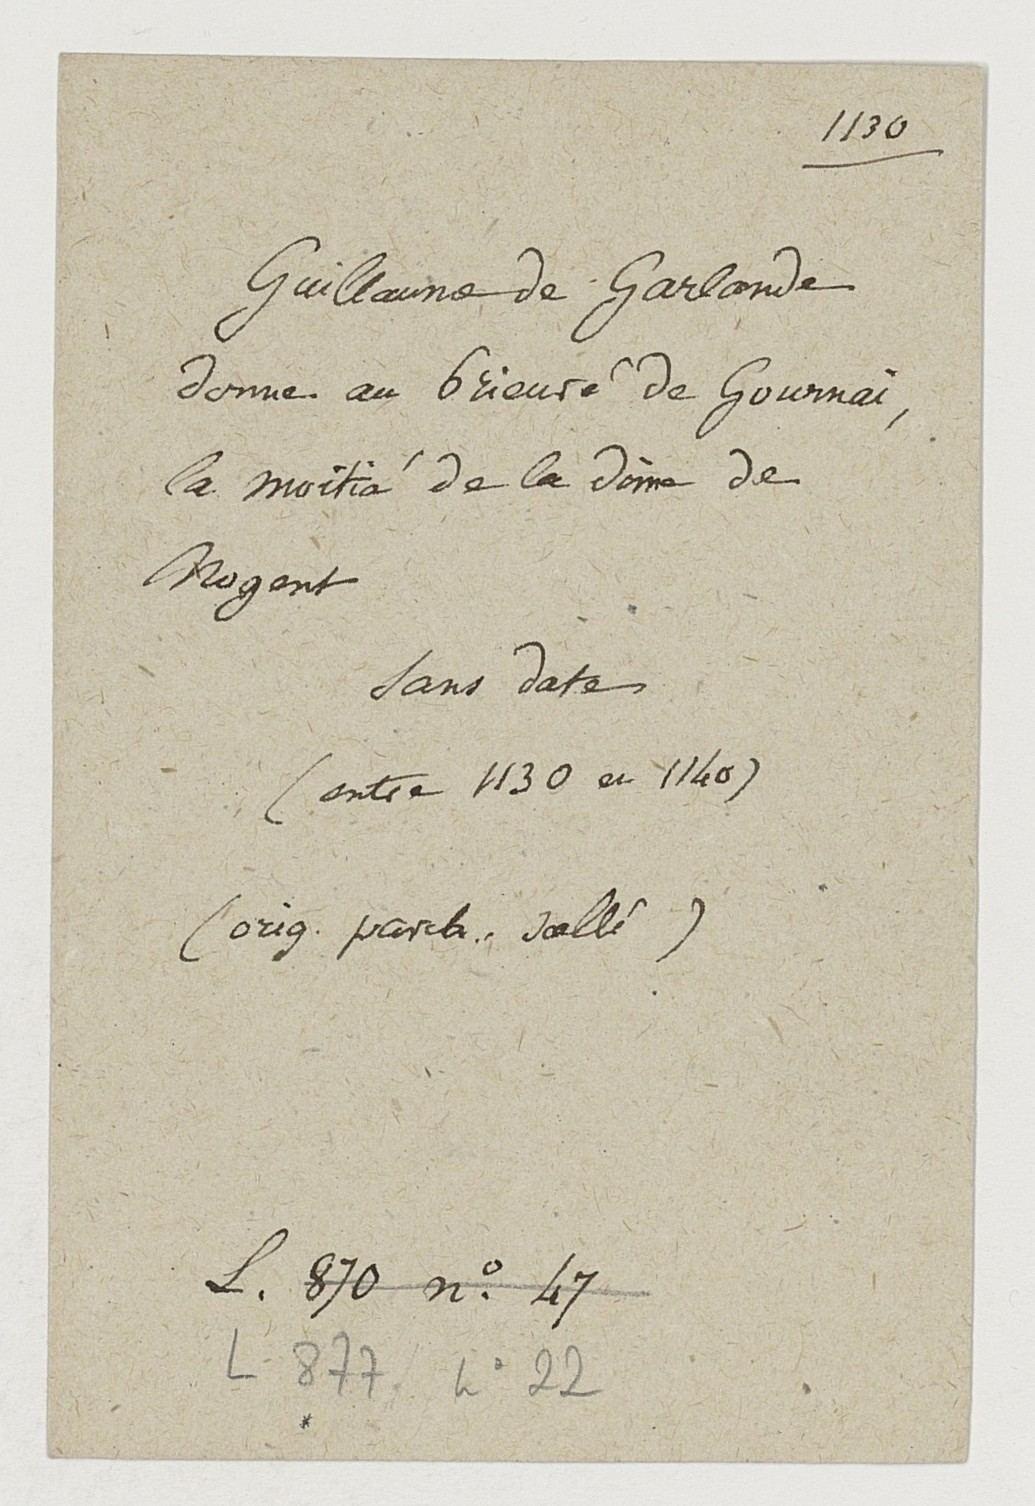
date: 1130
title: Guillaume de Garlande donne au prieuré de Gournai, la moitié de la dîme de Nogent
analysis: sans date (entre 1130 et 1140)
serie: L
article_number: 877
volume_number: n° 22
